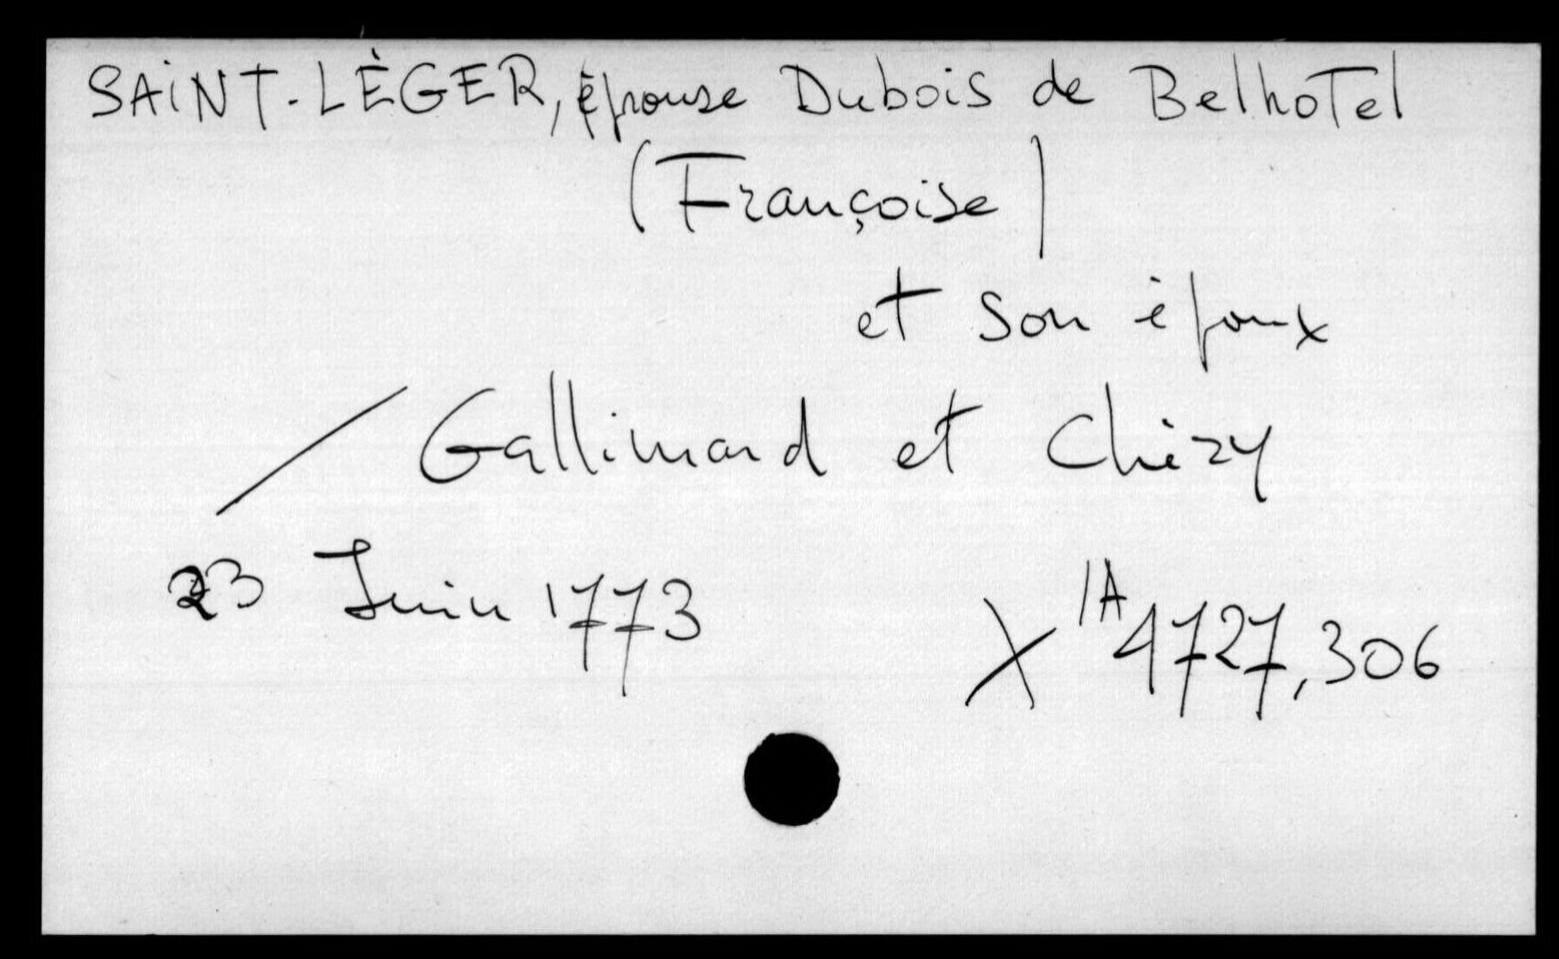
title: SAINT-LÉGER, épouse Dubois de Belhotel (Françoise) et son époux
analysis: Contre Gallimard et Chizy
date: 23 juin 1773
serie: X1A
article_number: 4727
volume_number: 306
